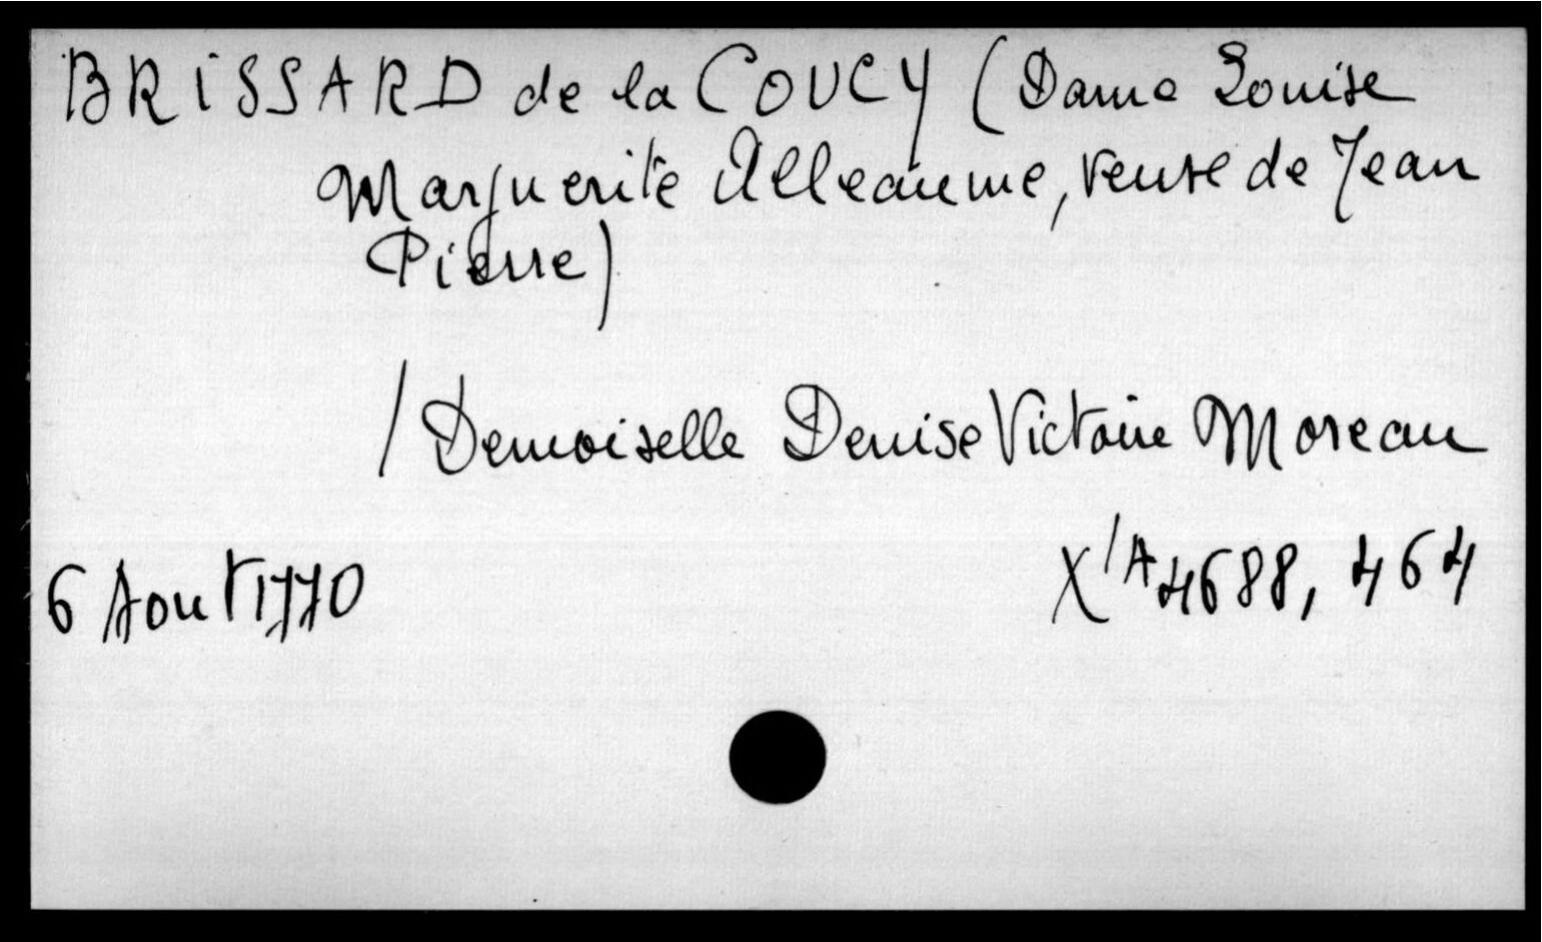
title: BRISSARD de la COUCY (Dame Louise Marguerite Alleaume, veuve de Jean Pierre)
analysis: Contre Demoiselle Denise Victoire Moreau
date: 6 août 1770
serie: X1A
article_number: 4688
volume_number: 464
